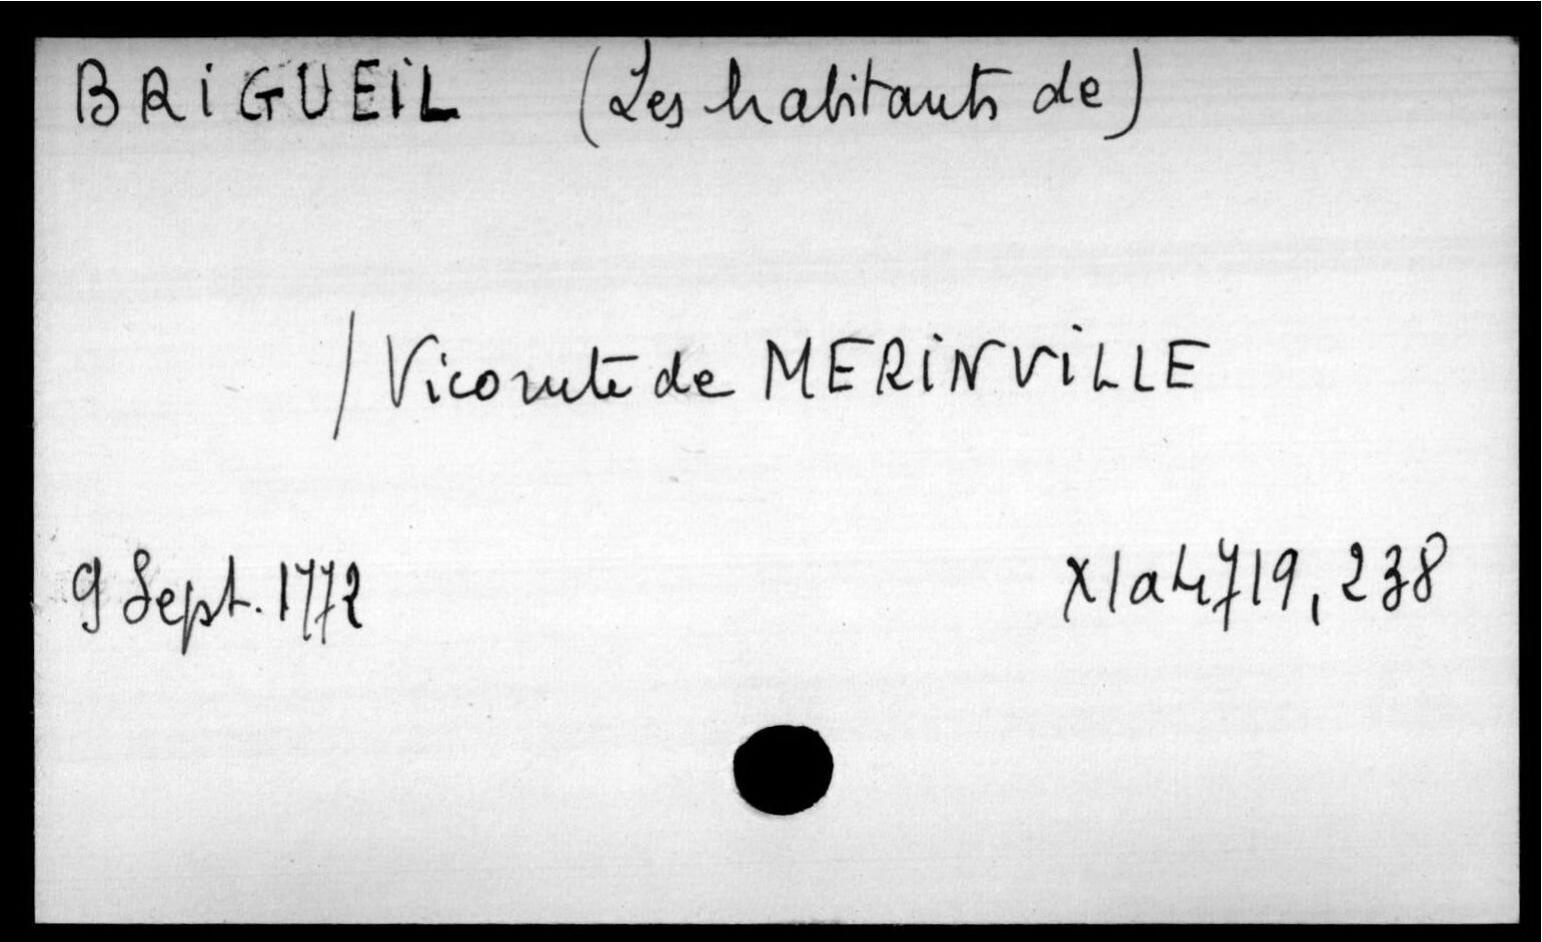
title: BRIGUEIL (Les habitants de)
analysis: Contre Vicomte de MERINVILLE
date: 9 septembre 1772
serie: X1a
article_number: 4719
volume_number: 238
